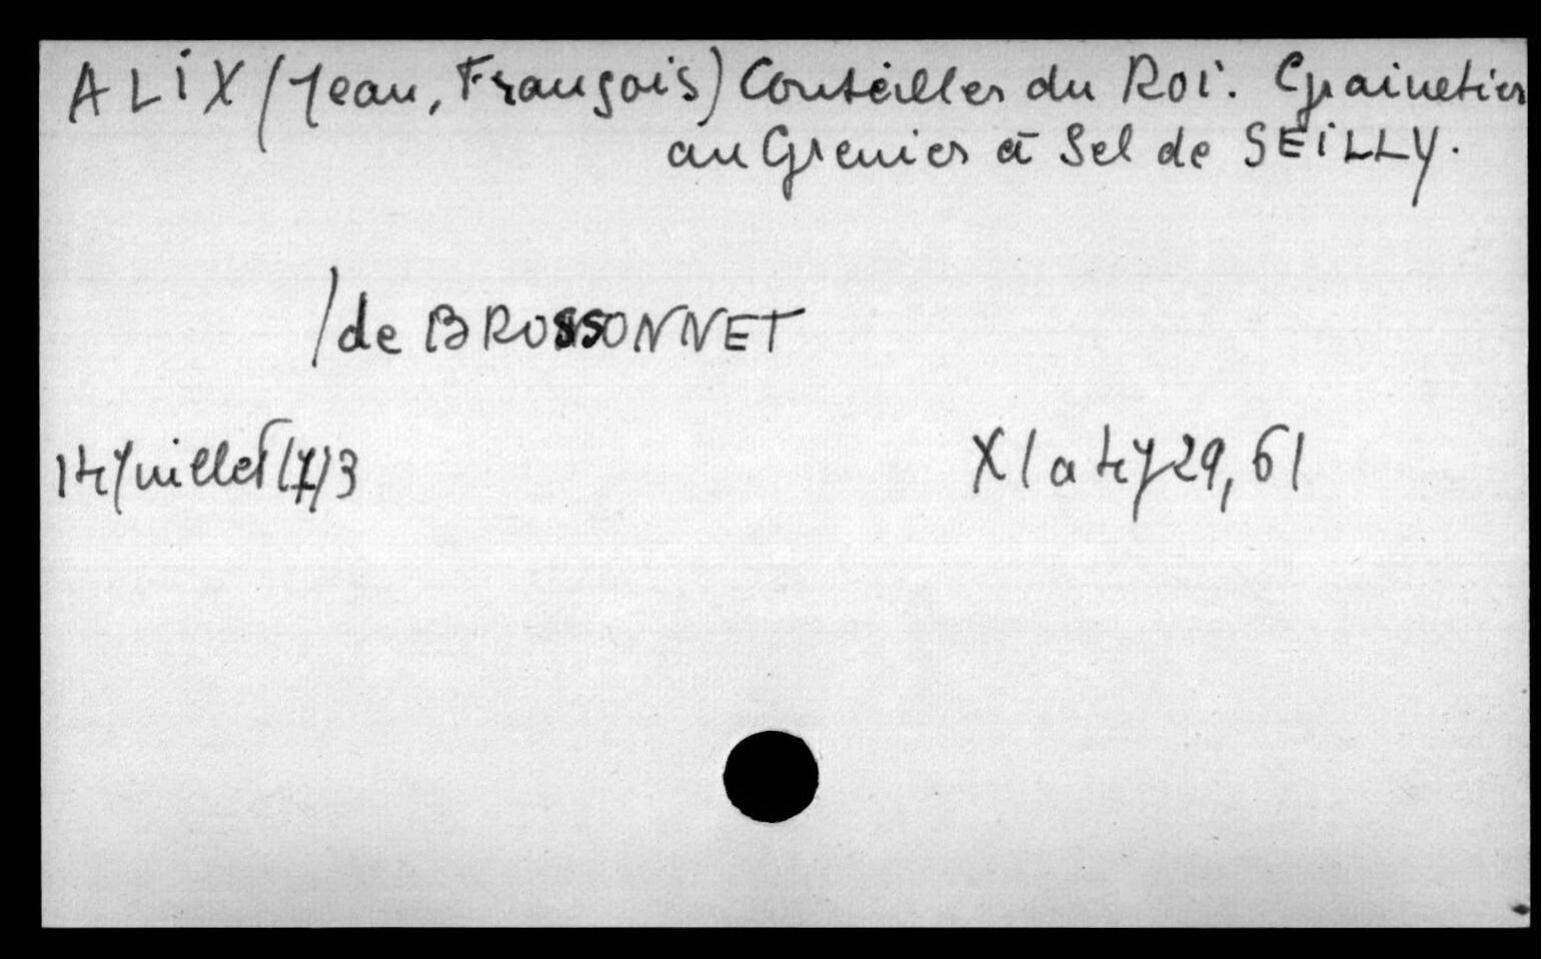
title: ALIX (Jean, François) Conseiller du Roi, grainetier au grenier à sel de SEILLY
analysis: Contre de BROSSONNET
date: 14 juillet 1773
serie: X1a
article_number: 4729
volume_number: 61
